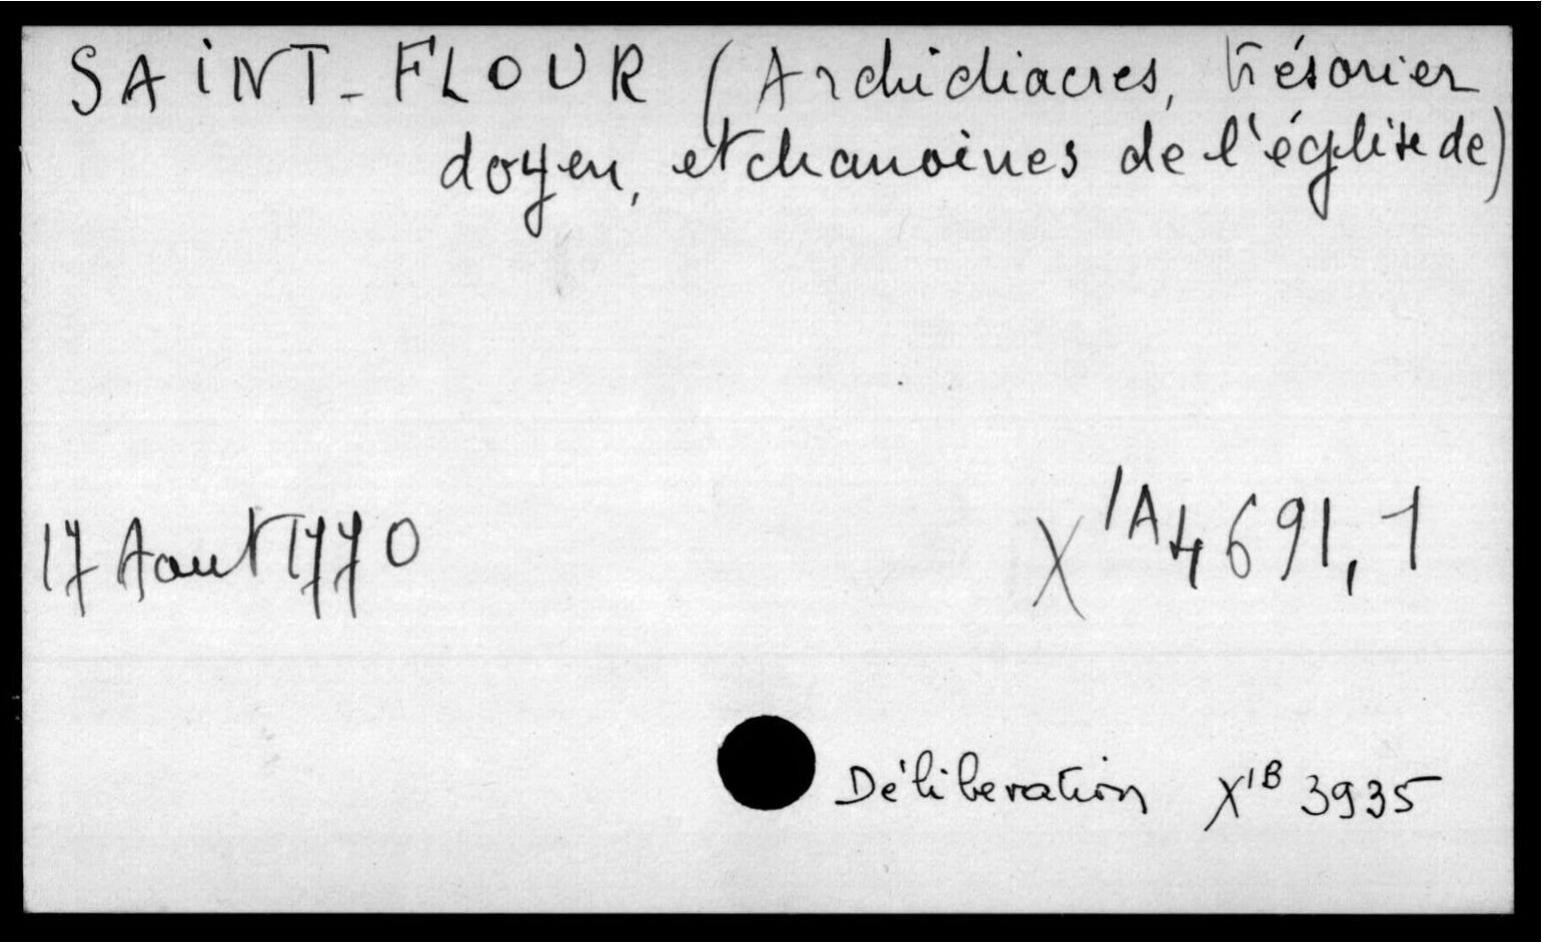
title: SAINT-FLOUR (Archidiacres, trésorier doyen, et chanoines de l'église de)
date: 17 août 1770
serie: X1A
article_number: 4691
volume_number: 1
